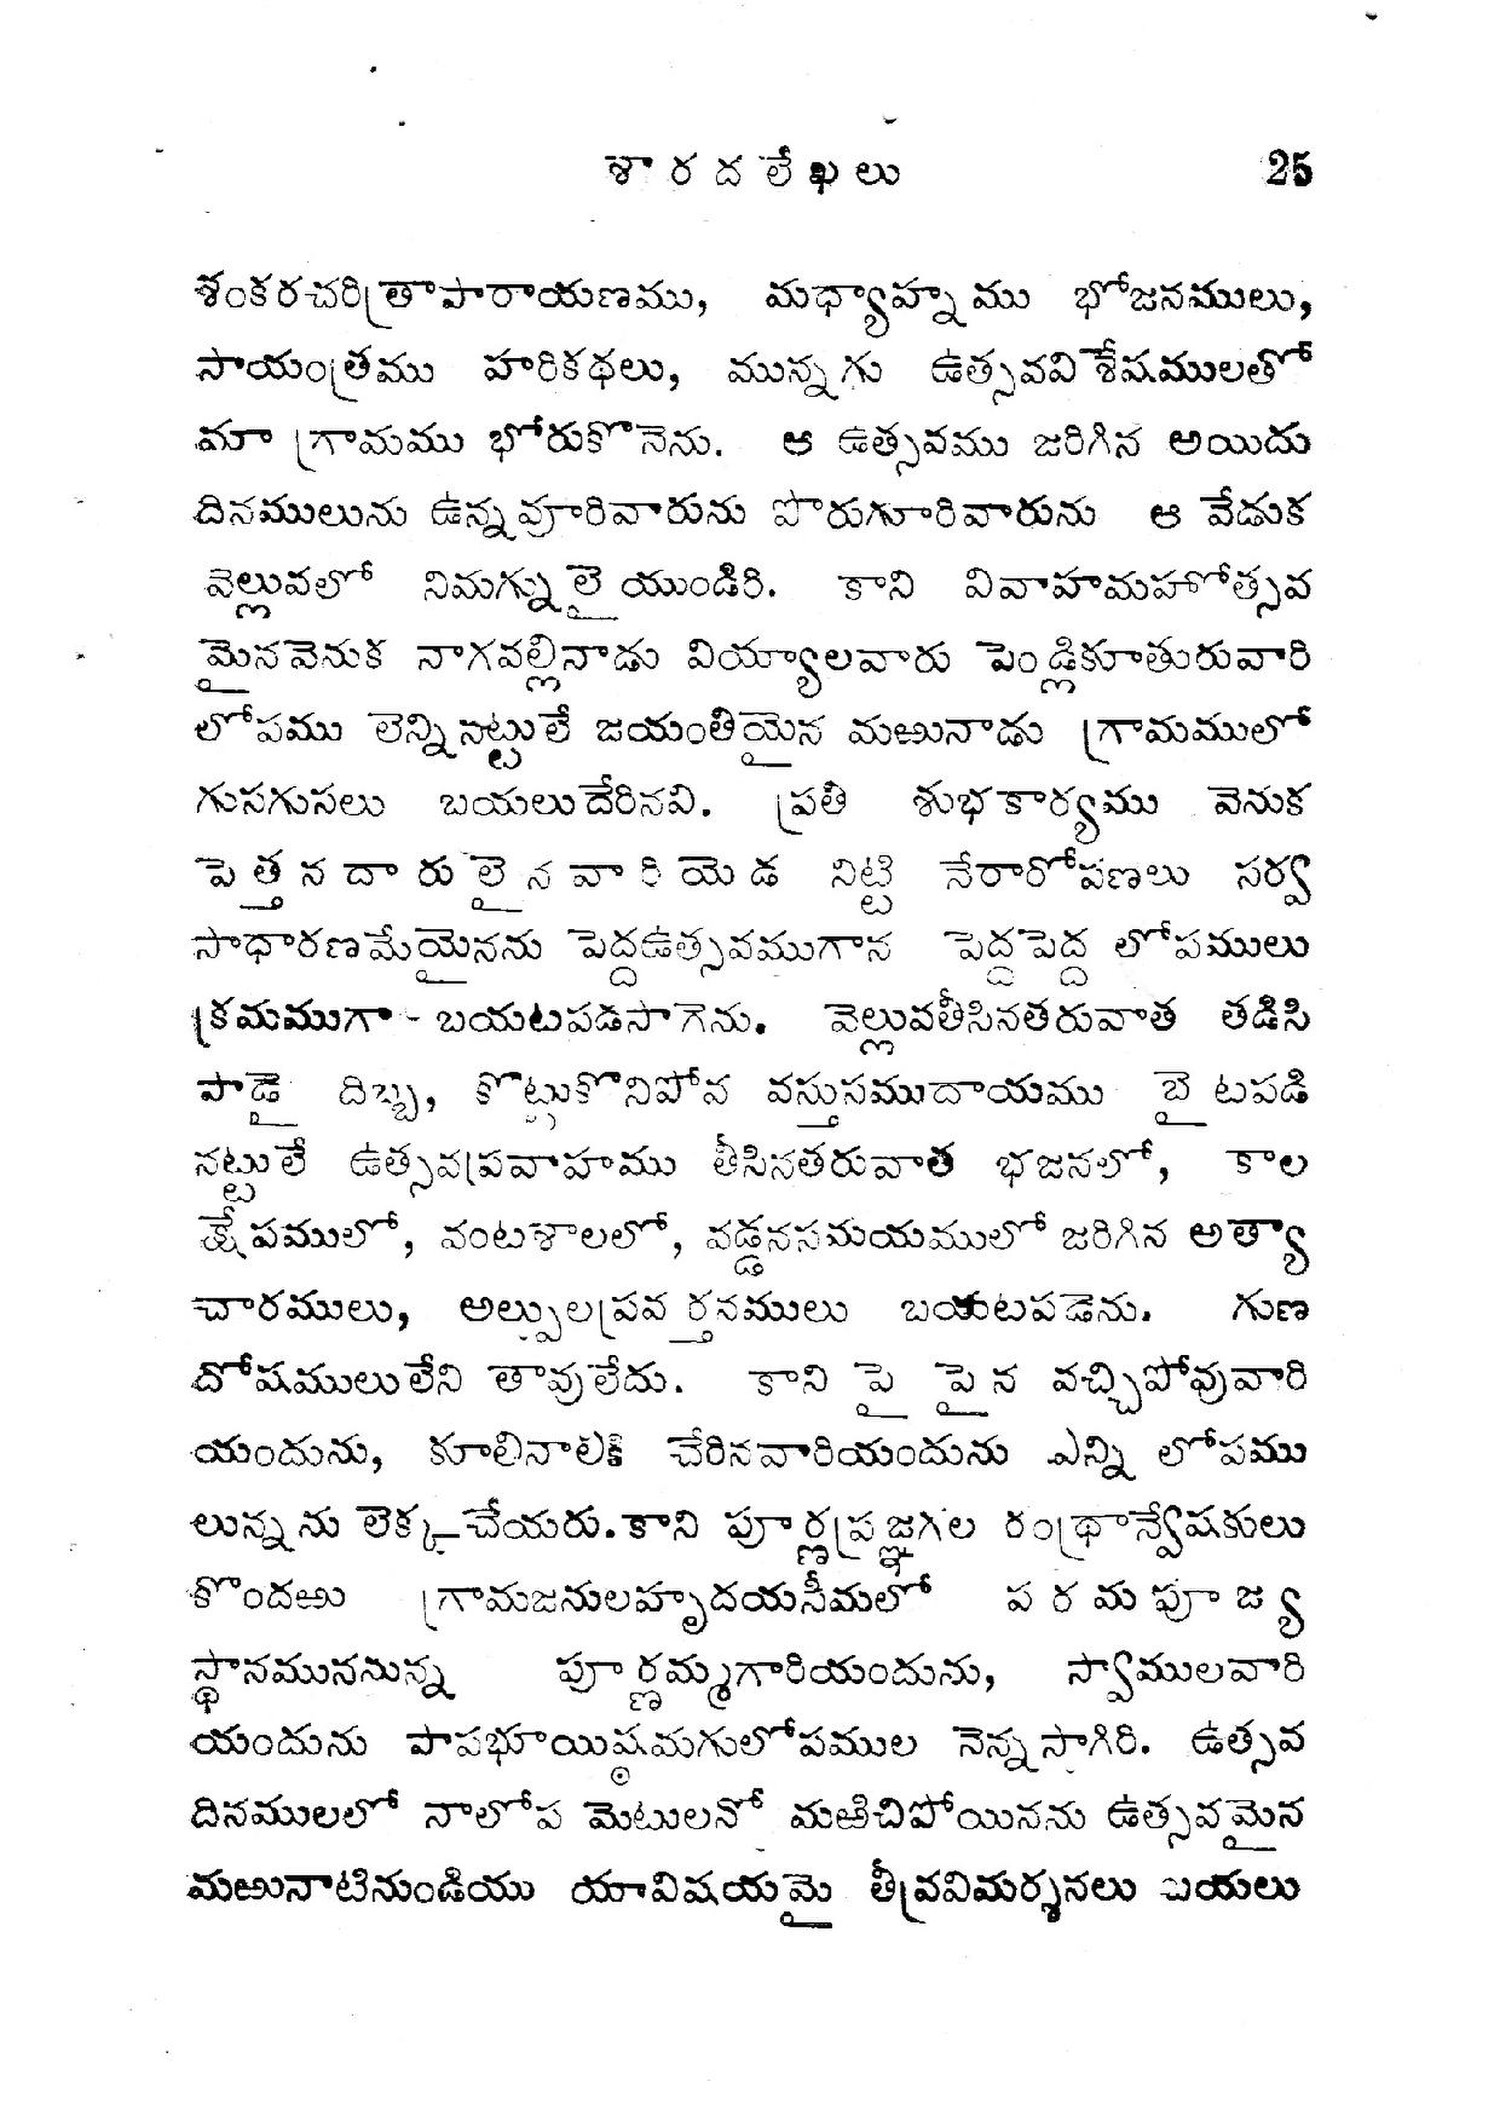శంకరచరిత్రాపారాయణము, మధ్యాహ్నము భోజనములు,
సాయంత్రము హరికథలు, మున్నగు ఉత్సవవి శేషములతో
మా గ్రామము భోరుకొనెను.ఆ ఉత్సవము జరిగిన అయిదు
దినములును ఉన్న వూరివారును పొరుగూరివారునుఆ వేడుక 
వెల్లువలో నిమగ్నులై యుండిరి. కాని వివాహమహోత్సవ
మైన వెనుక నాగవల్లినాడు వియ్యాలవారు పెండ్లికూతురువారి
లోపము లెన్నినట్టులే జయంతియైన మఱునాడు గ్రామములో
గుసగుసలు బయలు దేరినవి. ప్రతి శుభకార్యము వెనుక
పెత్తనదారులైనవారి యెడ నిట్టి నేరారోపణలు సర్వ
సాధారణమేయైనను 'పెద్ద ఉత్సవముగాన పెద్ద పెద్ద లోపములు
క్రమముగా బయటపడసాగెను. వెల్లువ తీసినతరువాత తడిసి 
పాడై దిబ్బ, కొట్టుకొనిపోవ వస్తుసముదాయము బైటపడి
నట్టులే ఉత్సవప్రవాహము తీసినతరువాత భజనలో, కాల
క్షేపములో, వంటశాలలో, వడ్డనసమయములో జరిగిన అత్యా
చారములు, అల్పుల ప్రవర్తనములు బయటపడెను. గుణ
దోషములు లేని తావు లేదు. కాని పై పైన వచ్చి పోవువారి
యందును, కూలినాలికి చేరినవారియందును ఎన్ని లోపము
లున్నను లెక్క చేయరు. కాని పూర్ణప్రజ్ఞగల రంధ్రాన్వేషకులు 
కొందఱు గ్రామజనులహృదయసీమలో పరమపూజ్య
స్థానముననున్న పూర్ణమ్మగారియందును, స్వాములవారి
యందును పాపభూయిష్ఠమగులోపముల నెన్న సాగిరి. ఉత్సవ
దినములలో నాలోప మెటులనో మఱిచిపోయినను ఉత్సవమైన
మఱునాటినుండియు యా విషయమై తీవ్రవిమర్శనలు బయలు